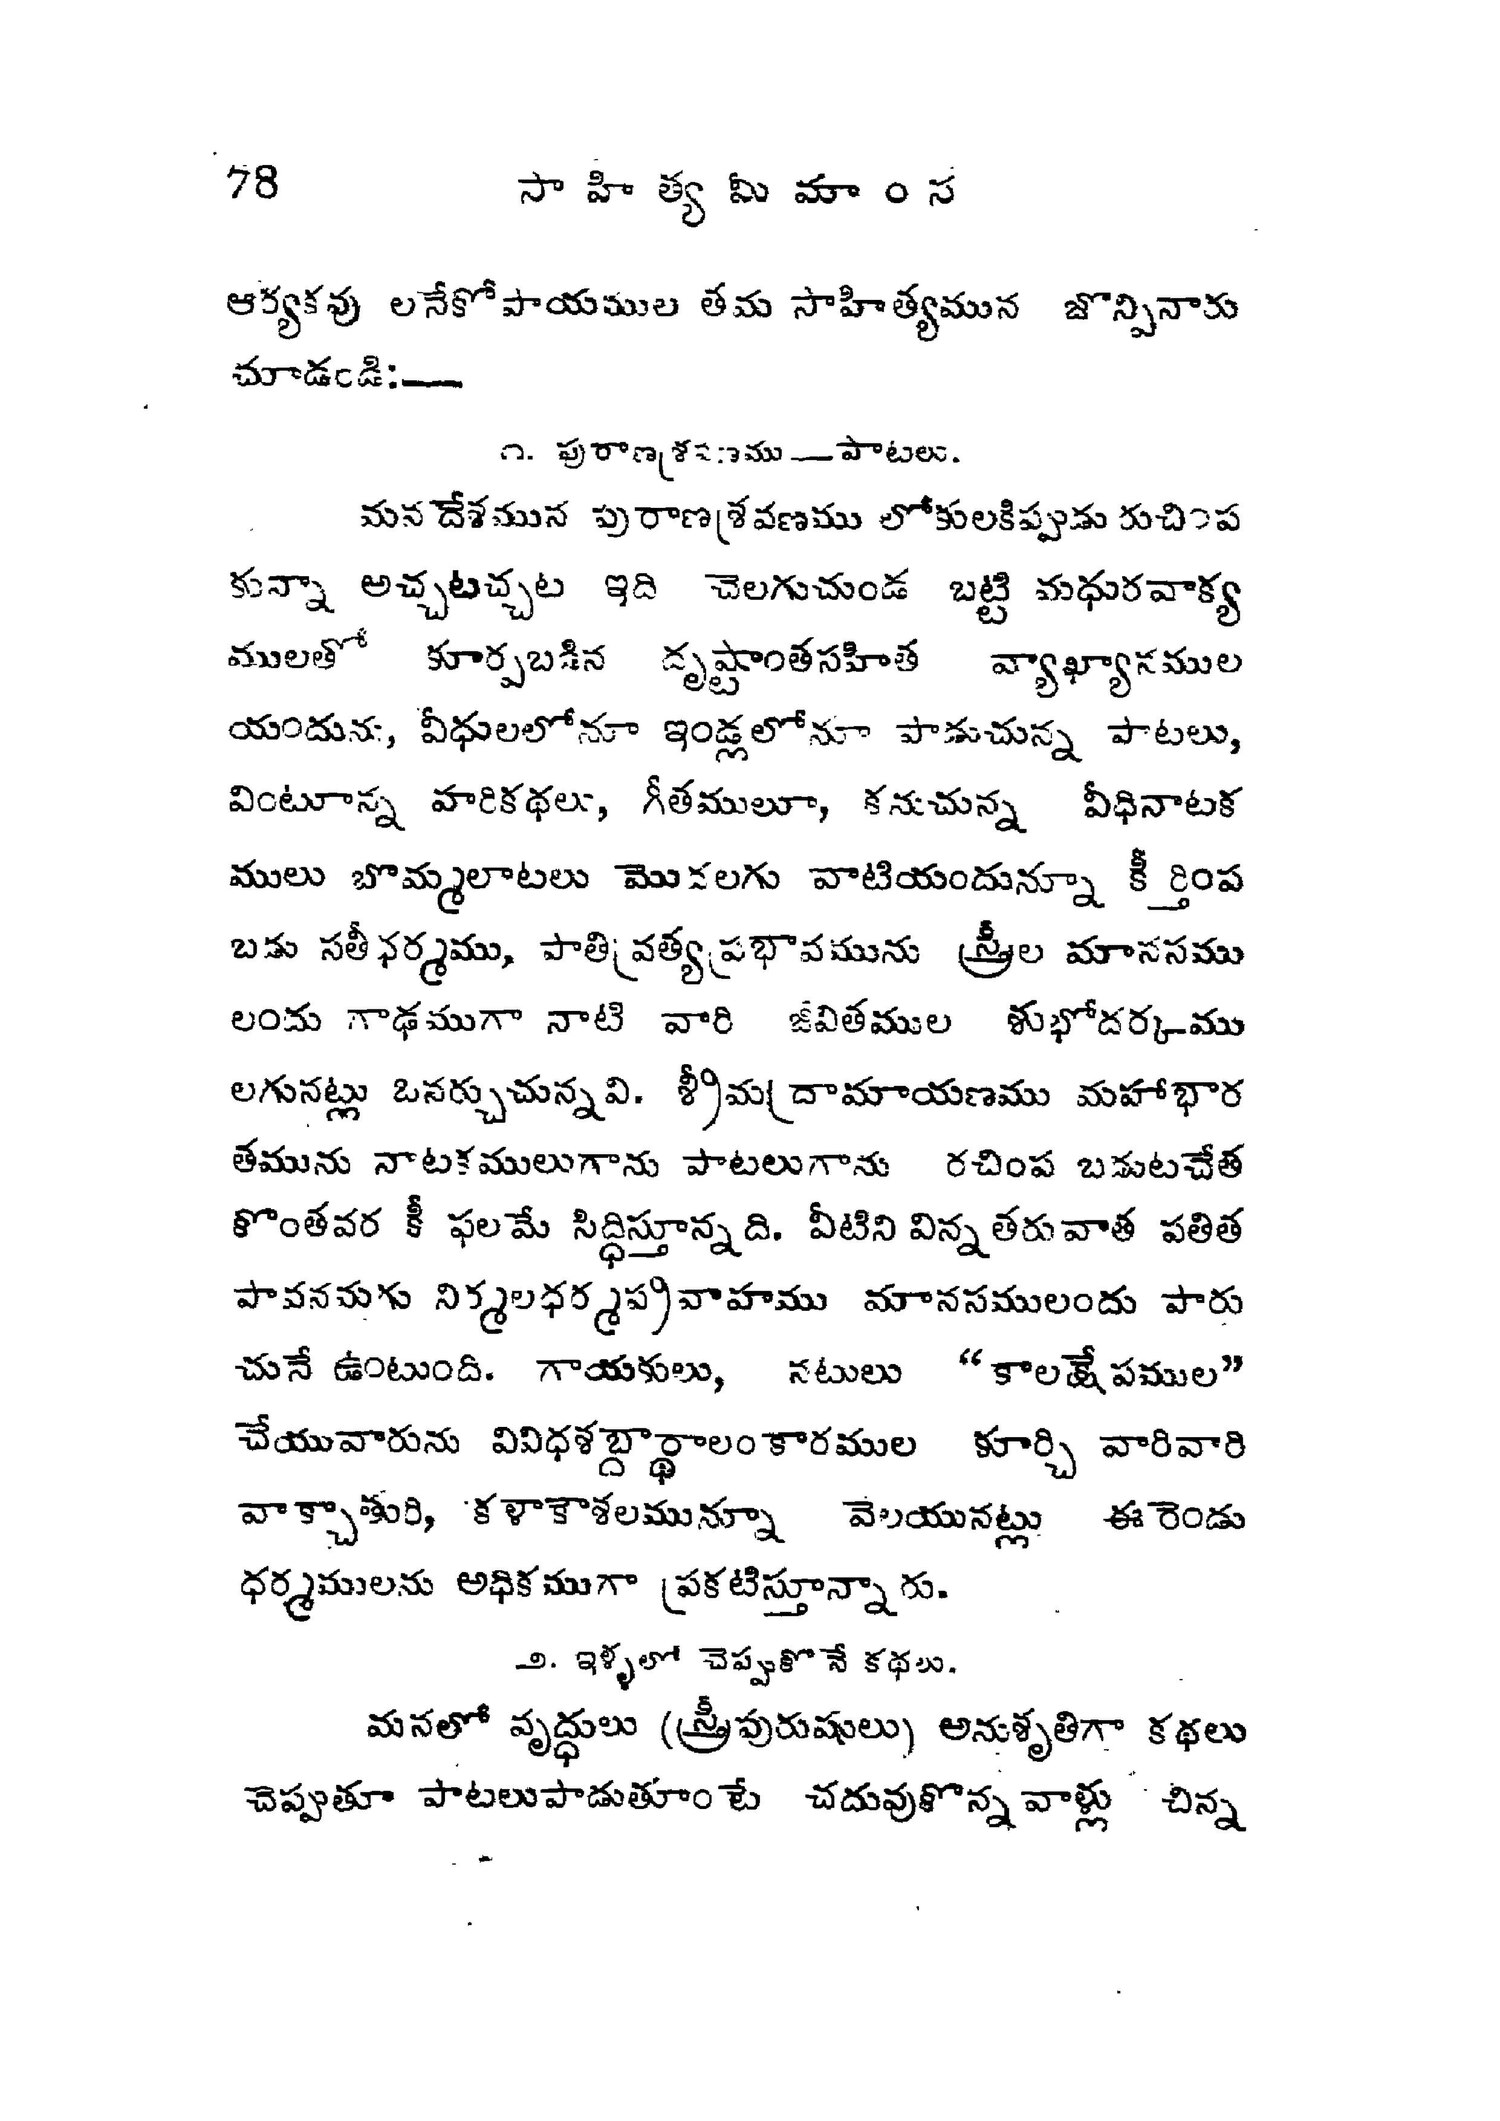ఆర్యకవు లనేకోపాయముల తమ సాహిత్యమున జొన్పినారు చూడండి : _

మనదేశమున పురాణశ్రవణము లోకులకిప్పుడు రుచింపకున్నా అచ్చటచ్చట ఇది చెలగుచుండ బట్టి మధురవాక్యములతో కూర్పబడిన దృష్టాంతసహిత వ్యాఖ్యానముల యందును, వీధులలోనూ ఇండ్లలోనూ పాడుచున్న పాటలు, వింటూన్న హరికథలు, గీతములూ, కనుచున్న వీధినాటకములు బొమ్మలాటలు మొదలగు వాటియందున్నూ కీర్తింపబడు సతీధర్మము, పాతివ్రత్యప్రభావమును స్త్రీల మానసము లందు గాఢముగా నాటి వారి జీవితముల శుభోదర్కము లగునట్లు ఒనర్చుచున్నవి. శ్రీమద్రామాయణము మహాభారతమును నాటకములుగాను పాటలుగాను రచింప బడుటచేత కొంతవర కీ ఫలమే సిద్ధిస్తూన్నది. వీటిని విన్నతరువాత పతితపావనమగు నిర్మలధర్మప్రవాహము మానసములందు పారుచునే ఉంటుంది. గాయకులు, నటులు "కాలక్షేపముల" చేయువారును వివిధశబ్దార్థాలంకారముల కూర్చి వారివారి వాక్చాతురి, కళాకౌశలమున్నూ వెలయునట్లు ఈరెండు ధర్మములను అధికముగా ప్రకటిస్తూన్నారు.

మనలో వృద్ధులు (స్త్రీపురుషులు) అనుశృతిగా కథలు చెప్పుతూ పాటలుపాడుతూంటే చదువుకొన్నవాళ్లు చిన్న